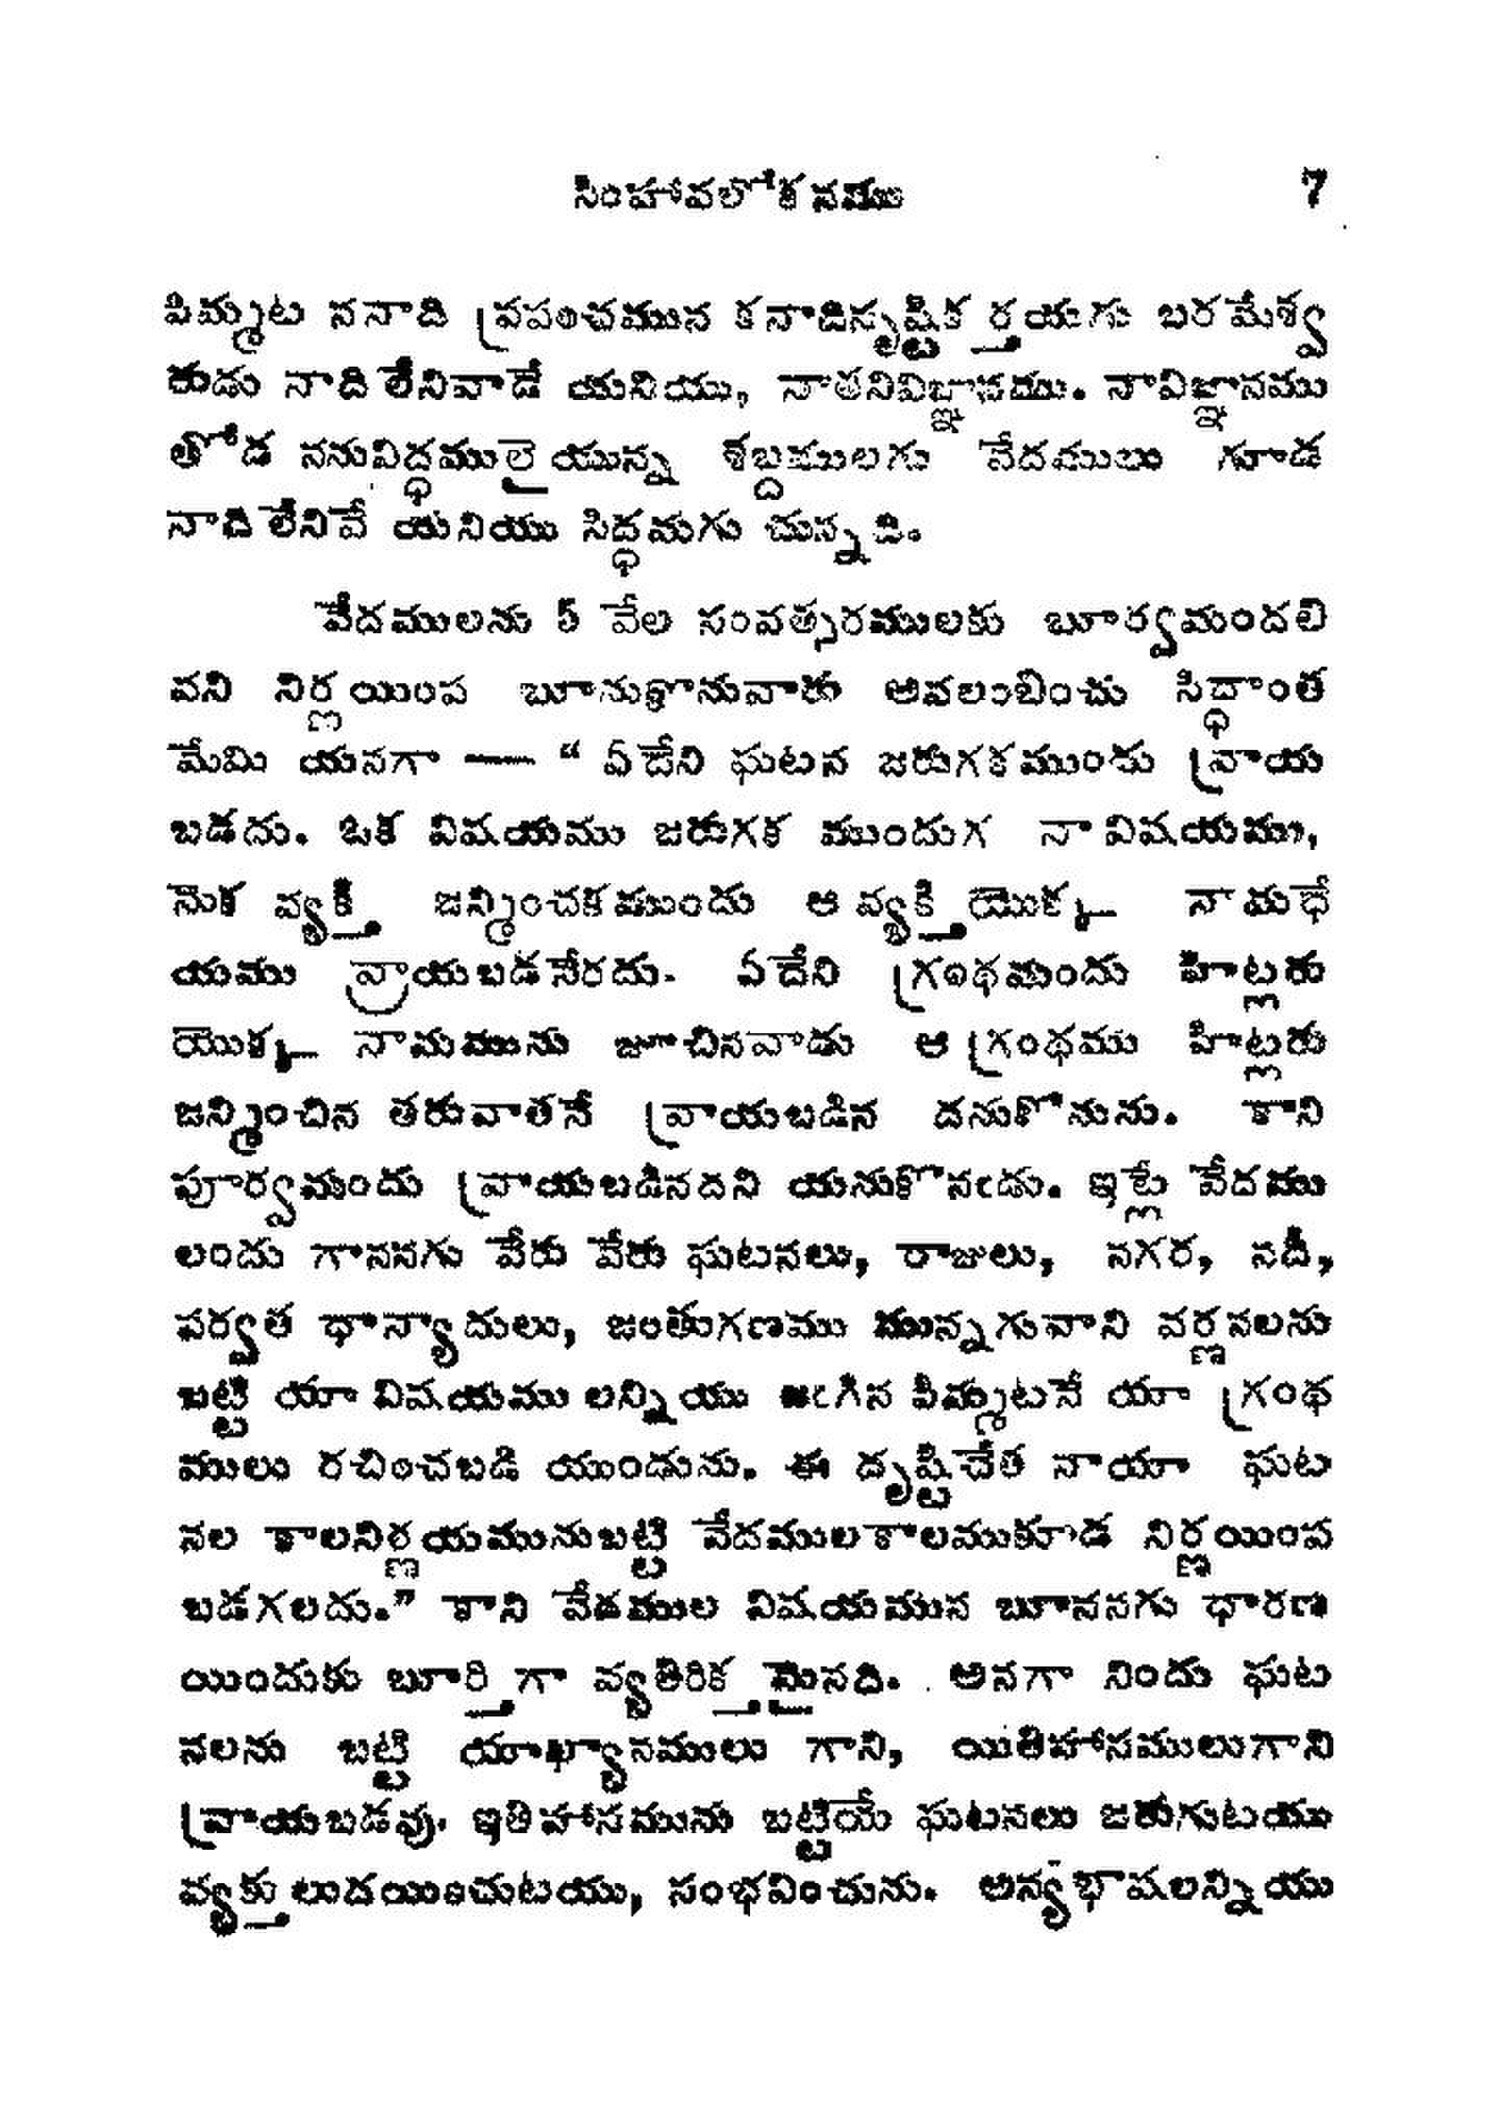పిమ్మట ననాది ప్రపంచమున కనాదిసృష్టికర్తయగు బరమేశ్వరుడు 
నాది లేనివాడే యనియు, నాతనివిజ్ఞానము. నావిజ్ఞానము తోడ 
ననువిద్ధములై యున్న శబ్దములగు వేదములు గూడ
నాది లేనివే యనియు సిద్ధమగు చున్నది.

వేదములను 5 వేల సంవత్సరములకు బూర్వమందలి
వని నిర్ణయింప బూనుకొనువారు అవలంబించు సిద్ధాంత
మేమి యనగా - "ఏదేని ఘటన జరుగకముందు వ్రాయ
బడదు. ఒక విషయము జరుగక ముందుగ నా విషయము,
వ్రాయబడనేరదు. ఏదేని గ్రంథమందు హిట్లరు
యొక్క నామమును జూచినవాడు ఆగ్రంథము హిట్లరు
జన్మించిన తరువాతనే వ్రాయబడిన దనుకొనును. కాని 
పూర్వమందు వ్రాయబడినదని యనుకొనఁడు. ఇట్లే వేదము
లందు గాననగు వేరు వేరు ఘటనలు, రాజులు, నగర, నదీ,
పర్వత ధాన్యాదులు, జంతుగణము మున్నగువాని వర్ణనలను
బట్టి యా విషయము లన్నియు జరిగిన పిమ్మటనే యా గ్రంథ
ములు రచించబడి యుండును. ఈ దృష్టిచేత నాయా ఘట
నల కాలనిర్ణయమునుబట్టి వేదముల కాలముకూడ నిర్ణయింప
బడగలదు." కాని వేదముల విషయమున బూననగు ధారణ
యిందుకు బూర్తిగా వ్యతిరిక్తమైనది. అనగా నిందు ఘటనలను 
బట్టి యాఖ్యానములు గాని, యితిహాసములుగాని వ్రాయబడవు. 
ఇతిహాసమును బట్టియే ఘటనలు జరుగుటయు
వ్యక్తులు దయించుటయు, సంభవించును. అన్యభాషలన్నియు